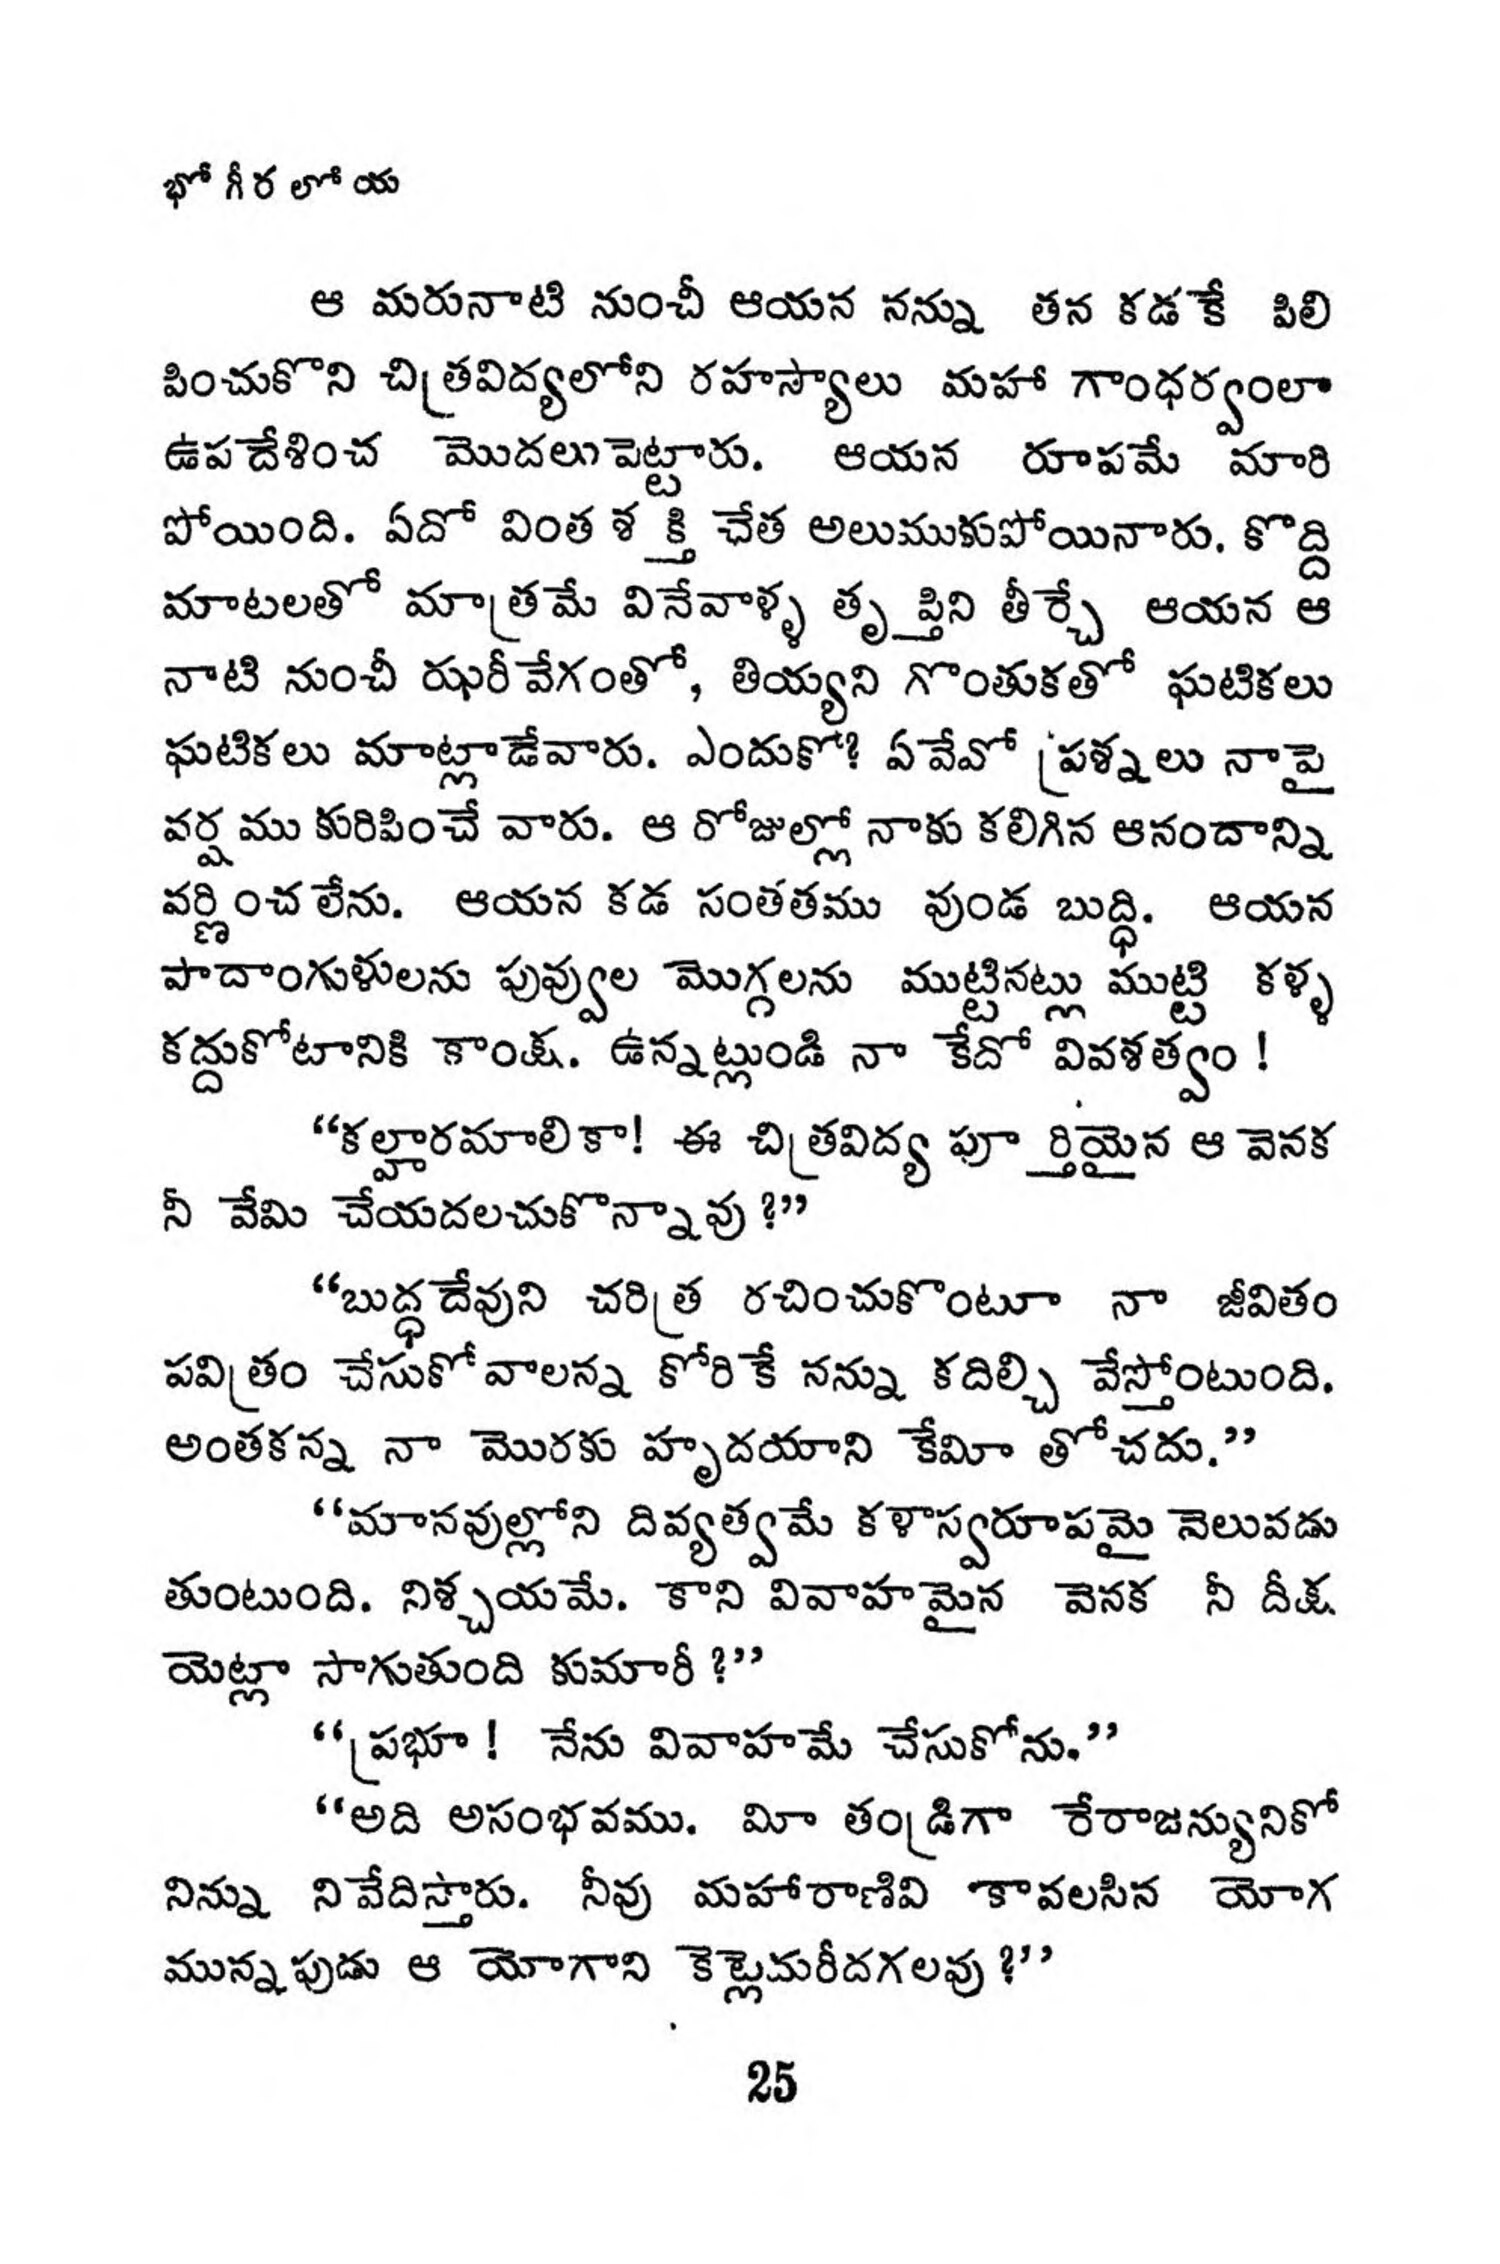ఆ మరునాటి నుంచీ ఆయన నన్ను తన కడకే పిలిపించుకొని చిత్రవిద్యలోని రహస్యాలు మహా గాంధర్వంలా ఉపదేశించ మొదలుపెట్టారు. ఆయన రూపమే మారి పోయింది. ఏదో వింత శక్తి చేత అలుముకుపోయినారు. కొద్ది మాటలతో మాత్రమే వినేవాళ్ళ తృప్తిని తీర్చే ఆయన ఆ నాటి నుంచీ ఝరీవేగంతో, తియ్యని గొంతుకతో ఘటికలు ఘటికలు మాట్లాడేవారు. ఎందుకో? ఏవేవో ప్రశ్నలు నాపై వర్షము కురిపించే వారు. ఆ రోజుల్లో నాకు కలిగిన ఆనందాన్ని వర్ణించలేను. ఆయన కడ సంతతము వుండ బుద్ధి. ఆయన పాదాంగుళులను పువ్వుల మొగ్గలను ముట్టినట్లు ముట్టి కళ్ళ కద్దుకోవటానికి కాంక్ష. ఉన్నట్లుండి నా కేదో వివశత్వం!

“కల్హారమాలికా! ఈ చిత్రవిద్య పూర్తియైన ఆ వెనక నీ వేమి చేయదలచుకొన్నావు?”

“బుద్ధదేవుని చరిత్ర రచించుకొంటూ నా జీవితం పవిత్రం చేసుకోవాలన్న కోరికే నన్ను కదిల్చి వేస్తోంటుంది. అంతకన్న నా మొరకు హృదయాని కేమీ తోచదు.”

“మానవుల్లోని దివ్యత్వమే కళాస్వరూపమై వెలువడు తుంటుంది. నిశ్చయమే. కాని వివాహమైన వెనక నీ దీక్ష యెట్లా సాగుతుంది కుమారీ?”

“ప్రభూ! నేను వివాహమే చేసుకోను.”

“అది అసంభవము. మీ తండ్రిగా రేరాజన్యునికో నిన్ను నివేదిస్తారు. నీవు మహారాణివి కావలసిన యోగమున్నప్పుడు ఆ యోగాని కెట్లెదురీదగలవు?”